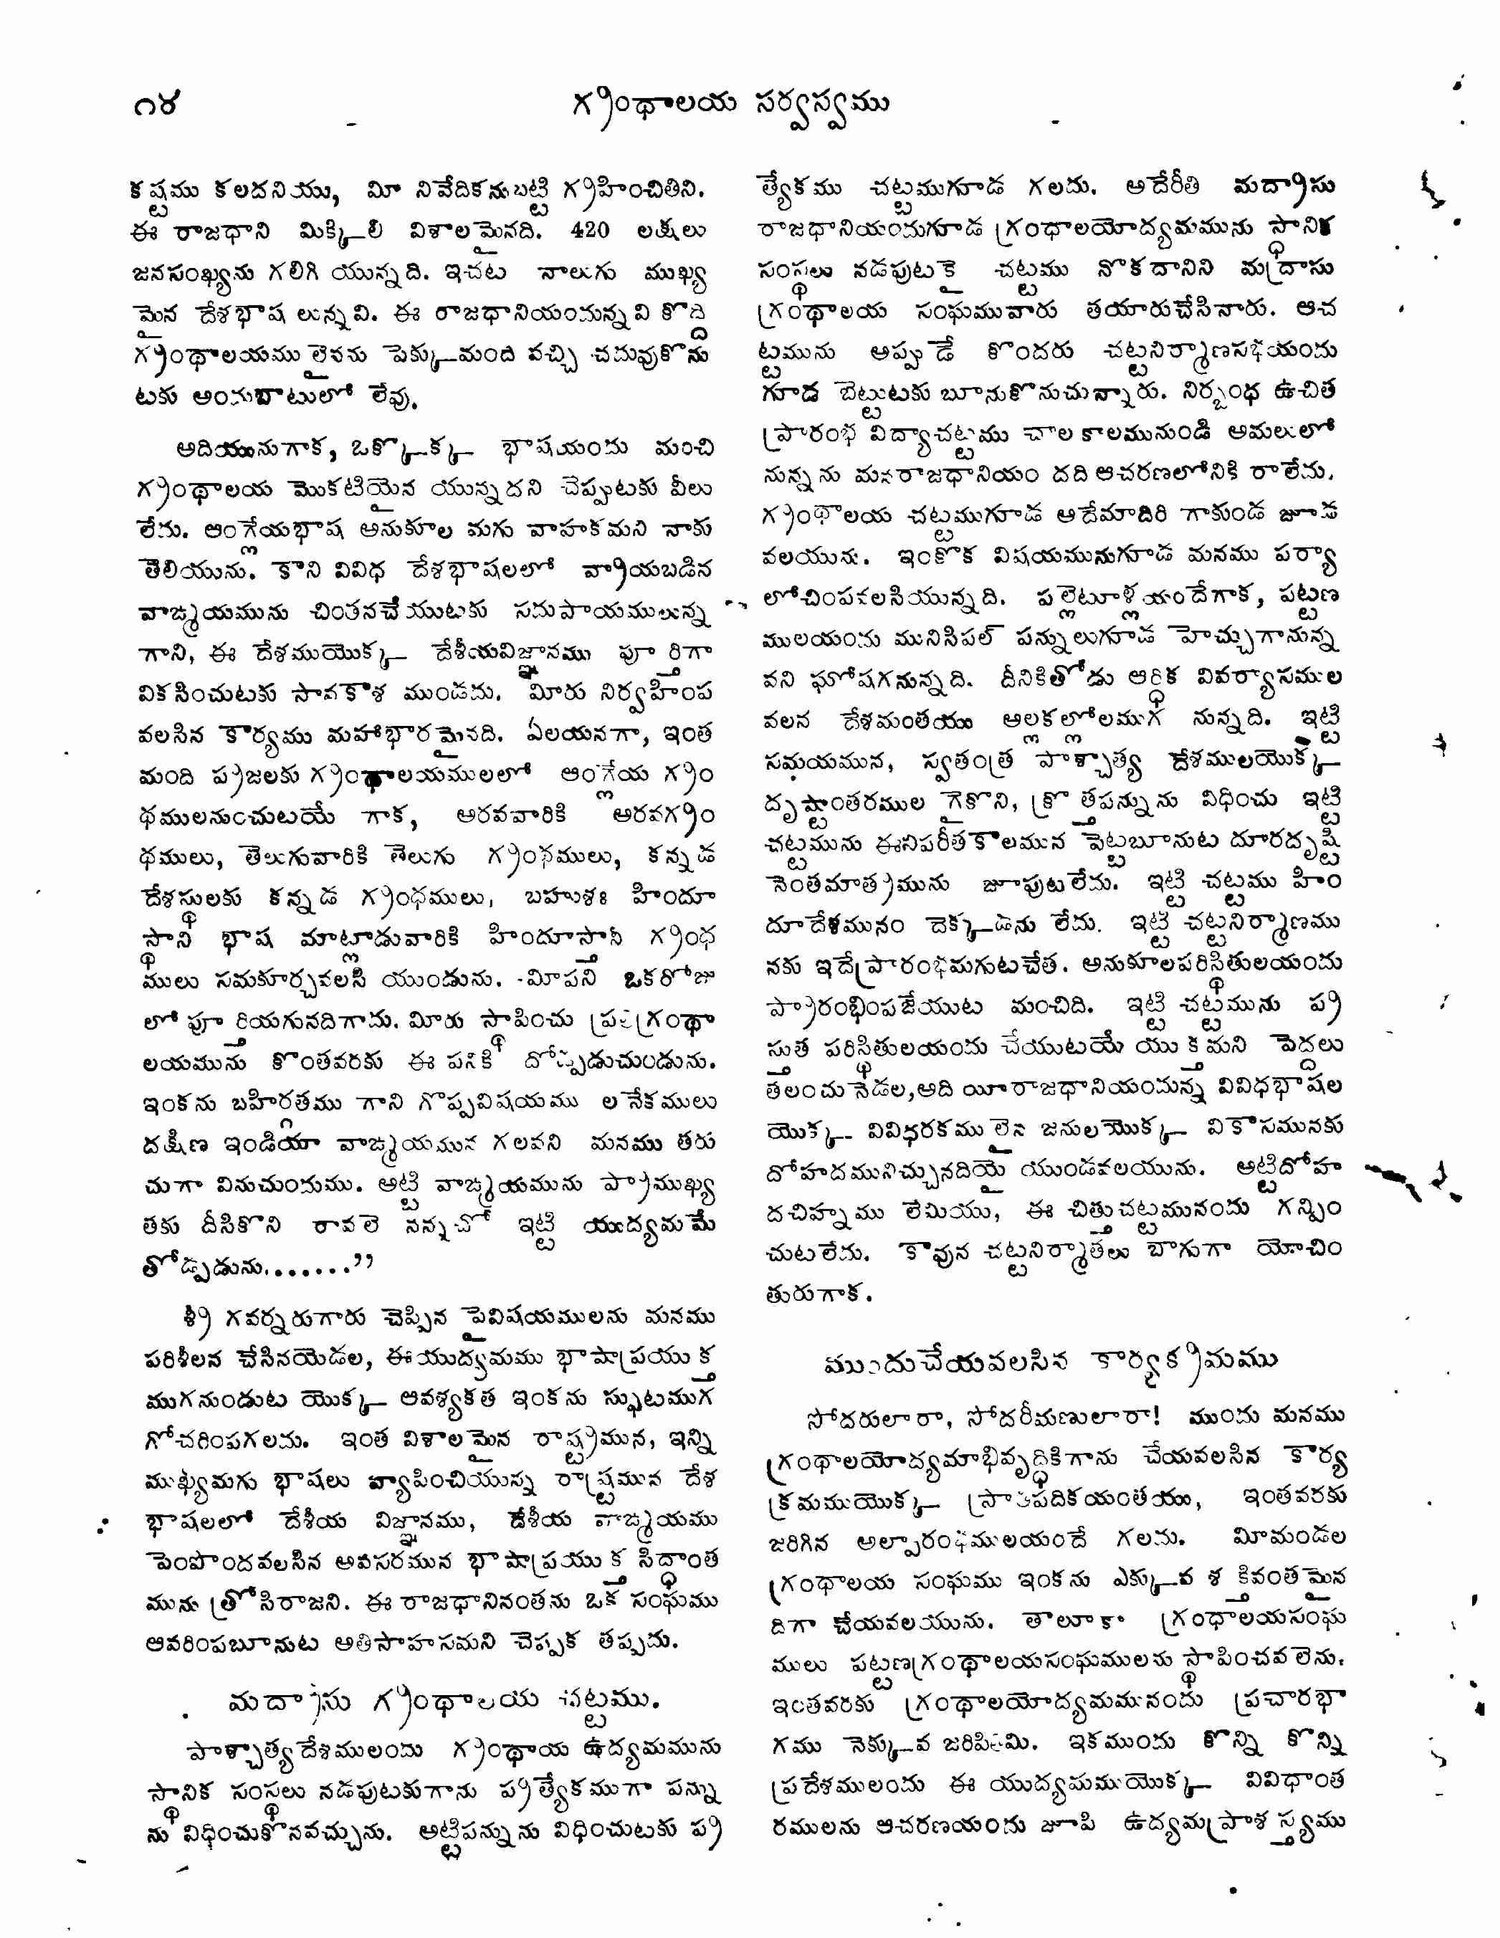కష్టము కలదనియు, మీ నివేదికను బట్టి గ్రహించితిని. ఈ రాజధాని మిక్కిలి విశాలమైనది. 420 లక్షలు జనసంఖ్యను గలిగి 
యున్నది. ఇచట నాలుగు ముఖ్యమన దేశ భాష లున్నవి. ఈ రాజధానియందున్నవి కొద్ది గ్రంథాలయము లైనను పెక్కు మంది 
వచ్చి చదువుకొనుటకు అందుబాటులో లేవు.

అదియునుగాక, ఒక్కొక్క భాషయందు మంచి గ్రంథాలయ మొకటియైన యున్నదని చెప్పుటకు వీలు లేదు. అంగేయభాష 
అనుకూల మగు వాహకమని నాకు తెలియును. కాని వివిధ దేశభాషలలో వ్రాయబడిన వాఙ్మయమును చింతన చేయుటకు సదుపాయములున్న గాని, ఈ దేశముయొక్క దేశీయవిజ్ఞానము పూర్తిగా వికసించుటకు సావకాశ ముండదు. మీరు నిర్వహింపవలసిన కార్యము మహాభారమైనది. ఏలయనగా, ఇంతమంది ప్రజలకు గ్రంథాలయములలో ఆంగ్లేయ గ్రంధములనుఁచుటయే గాక, ఆరవవారికి "ఆరవ గ్రంథములు, తెలుగువారికి తెలుగు గ్రంథములు, కన్నడ దేశస్థులకు కన్నడ గ్రంధములు, బహుశః హిందూస్థాని భాష మాట్లాడు వారికి హిందూస్తానీ గ్రంధములు సమకూర్చవలసి యుండును. మీ పని ఒక రోజులో పూత్తియగునదిగాను. మీరు స్థాపించు ప్రతి గ్రంథా
లయమును కొంతవరకు ఈ పనికి దోప్పడుచుండును. ఇంకను బహిరతము గాని గొప్పవిషయము లనేకములు దక్షిణ ఇండియా వాఙ్మయమున గలవని మనము తరుచుగా వినుచుండుము. అట్టి వాఙ్మయమును ప్రాముఖ్యతకు దీసికొని రావలె నన్నచో ఇట్టి 
యుద్యమమే తోడ్పడును”.

శ్రీ గవర్నరుగారు చెప్పిన పైవిషయములను మనము పరిశీలన చేసినయెడల, ఈ యుద్యమము భాషాప్రయుక్తముగనుండుట యొక్క అవశ్యకత ఇంకను స్ఫుటముగ గోచరింపగలను. ఇంత విశాలమైన రాష్ట్రమున, ఇన్ని ముఖ్యమగు భాషలు వ్యాపించియున్న రాష్ట్రమున దేశభాషలలో దేశీయ విజ్ఞానము, దేశీయ శాఙ్మయము పెంపొందవలసిన అవసరమున భాషాప్రయుక్త సిద్దాంతమును త్రోసిరాజని. ఈ రాజధానినంతను ఒక సంఘము ఆవరింపబూనుట అతిసాహసమని చెప్పక తప్పదు. 

పాశ్చాత్య దేశములందు గ్రంథాయ ఉద్యమమును స్థానిక సంస్థలు నడపుటకుగాను ప్రత్యేకముగా పన్నును విధించుకోనవచ్చును. అట్టిపన్నును విధించుటకు ప్రత్యేకము చట్టముగూడ గలదు. అదేరీతి మద్రాసు రాజధానియందు గూడ గ్రంధాలయోద్యమమును స్థానిక
సంస్థలు నడపుటకై చట్టము నొకదానిని మద్రాసు గ్రంథాలయ సంఘమువారు తయారుచేసినారు. ఆచట్టమును అప్పుడే కొందరు చట్టనిర్మాణసభ యందు గూడ బెట్టుటకు బూనుకొనుచున్నారు. నిర్బంధ ఉచిత ప్రారంభ విద్యాచట్టము చాల కాలమునుండి అమలు
లోనున్నను మనరాజధాని యందది ఆచరణలోనికి రాలేదు. గ్రంథాలయ చట్టము గూడ అదేమాదిరి గాకుండ జూడ వలయును. 
ఇంకొక విషయమును గూడ మనము పర్యాలోచింపవలసియున్నది. పల్లెటూళ్ల యందేగాక, పట్టణములయందు మునిసిపల్ పన్నులు గూడ హెచ్చుగానున్నవని ఘోషగనున్నది. దీనికితోడు ఆర్థిక వివర్యాసముల వలన దేశమంతయు అలకల్లోలముగ నున్నది. ఇట్టి
సమయమున, స్వతంత్ర పాశ్చాత్య దేశములయొక్క దృష్టాంతరముల గైకొని, క్రొత్తపన్నును విధించు ఇట్టి చట్టమును ఈనిపరీత
కాలమున పెట్టబూనుట దూరదృష్టినెంతమాత్రమును జూపుట లేదు. ఇట్టి చట్టము హిందూ దేశమునందెక్కడను లేదు. ఇట్టి చట్టనిర్మాణమునకు ఇదే ప్రారంభమగుట చేత. అనుకూల పరిస్థితులయందు ప్రారంభింపజేయుట మంచిది. ఇట్టి చట్టమును 
ప్రస్తుత పరిస్థితులయందు చేయుటయే యుక్తమని పెద్దలు తేలంచు నేడల,అది యీరాజధానియమన్న వివిధ భాషల యొక్క వివిధరకము లేని జనుల యొక్క వికాసమునకు దోహదమునిచ్చునదియై యుండవలయును. అట్టిదోహదచిహ్నము లేమియు, 
ఈ చిత్తుచట్టమునందు గన్బించుటలేదు. కావున చట్టనిర్మాతలు బాగుగా యోచింతురు గాక. 

సోదరులారా, సోదరీమణులారా! ముందు మనము గ్రంథాలయోద్యమాభివృద్ధికిగాను చేయవలసిన కార్యక్రమము యొక్క ప్రాతిపదిక యంతయు, ఇంతవరకు జరిగిన అల్ఫారంభముల యందే గలదు. మీ మండల గ్రంథాలయ సంఘము ఇంకను ఎక్కువ 
శకివంతమైనదిగా చేయవలయును. తాలూకా గ్రంధాలయ సంఘములు పట్టణగ్రంథాలయ సంఘములను స్థాపించవలెను.
ఇంతవరకు గ్రంథాలయోద్యమము నందు ప్రచార భాగము నెక్కువ జరిపితిమి. ఇక ముందు కొన్ని కొన్ని ప్రదేశములందు ఈ యుద్యమము యొక్క వివిధాంతరములను ఆచరణయందు జూపి ఉద్యమప్రాశస్త్యము